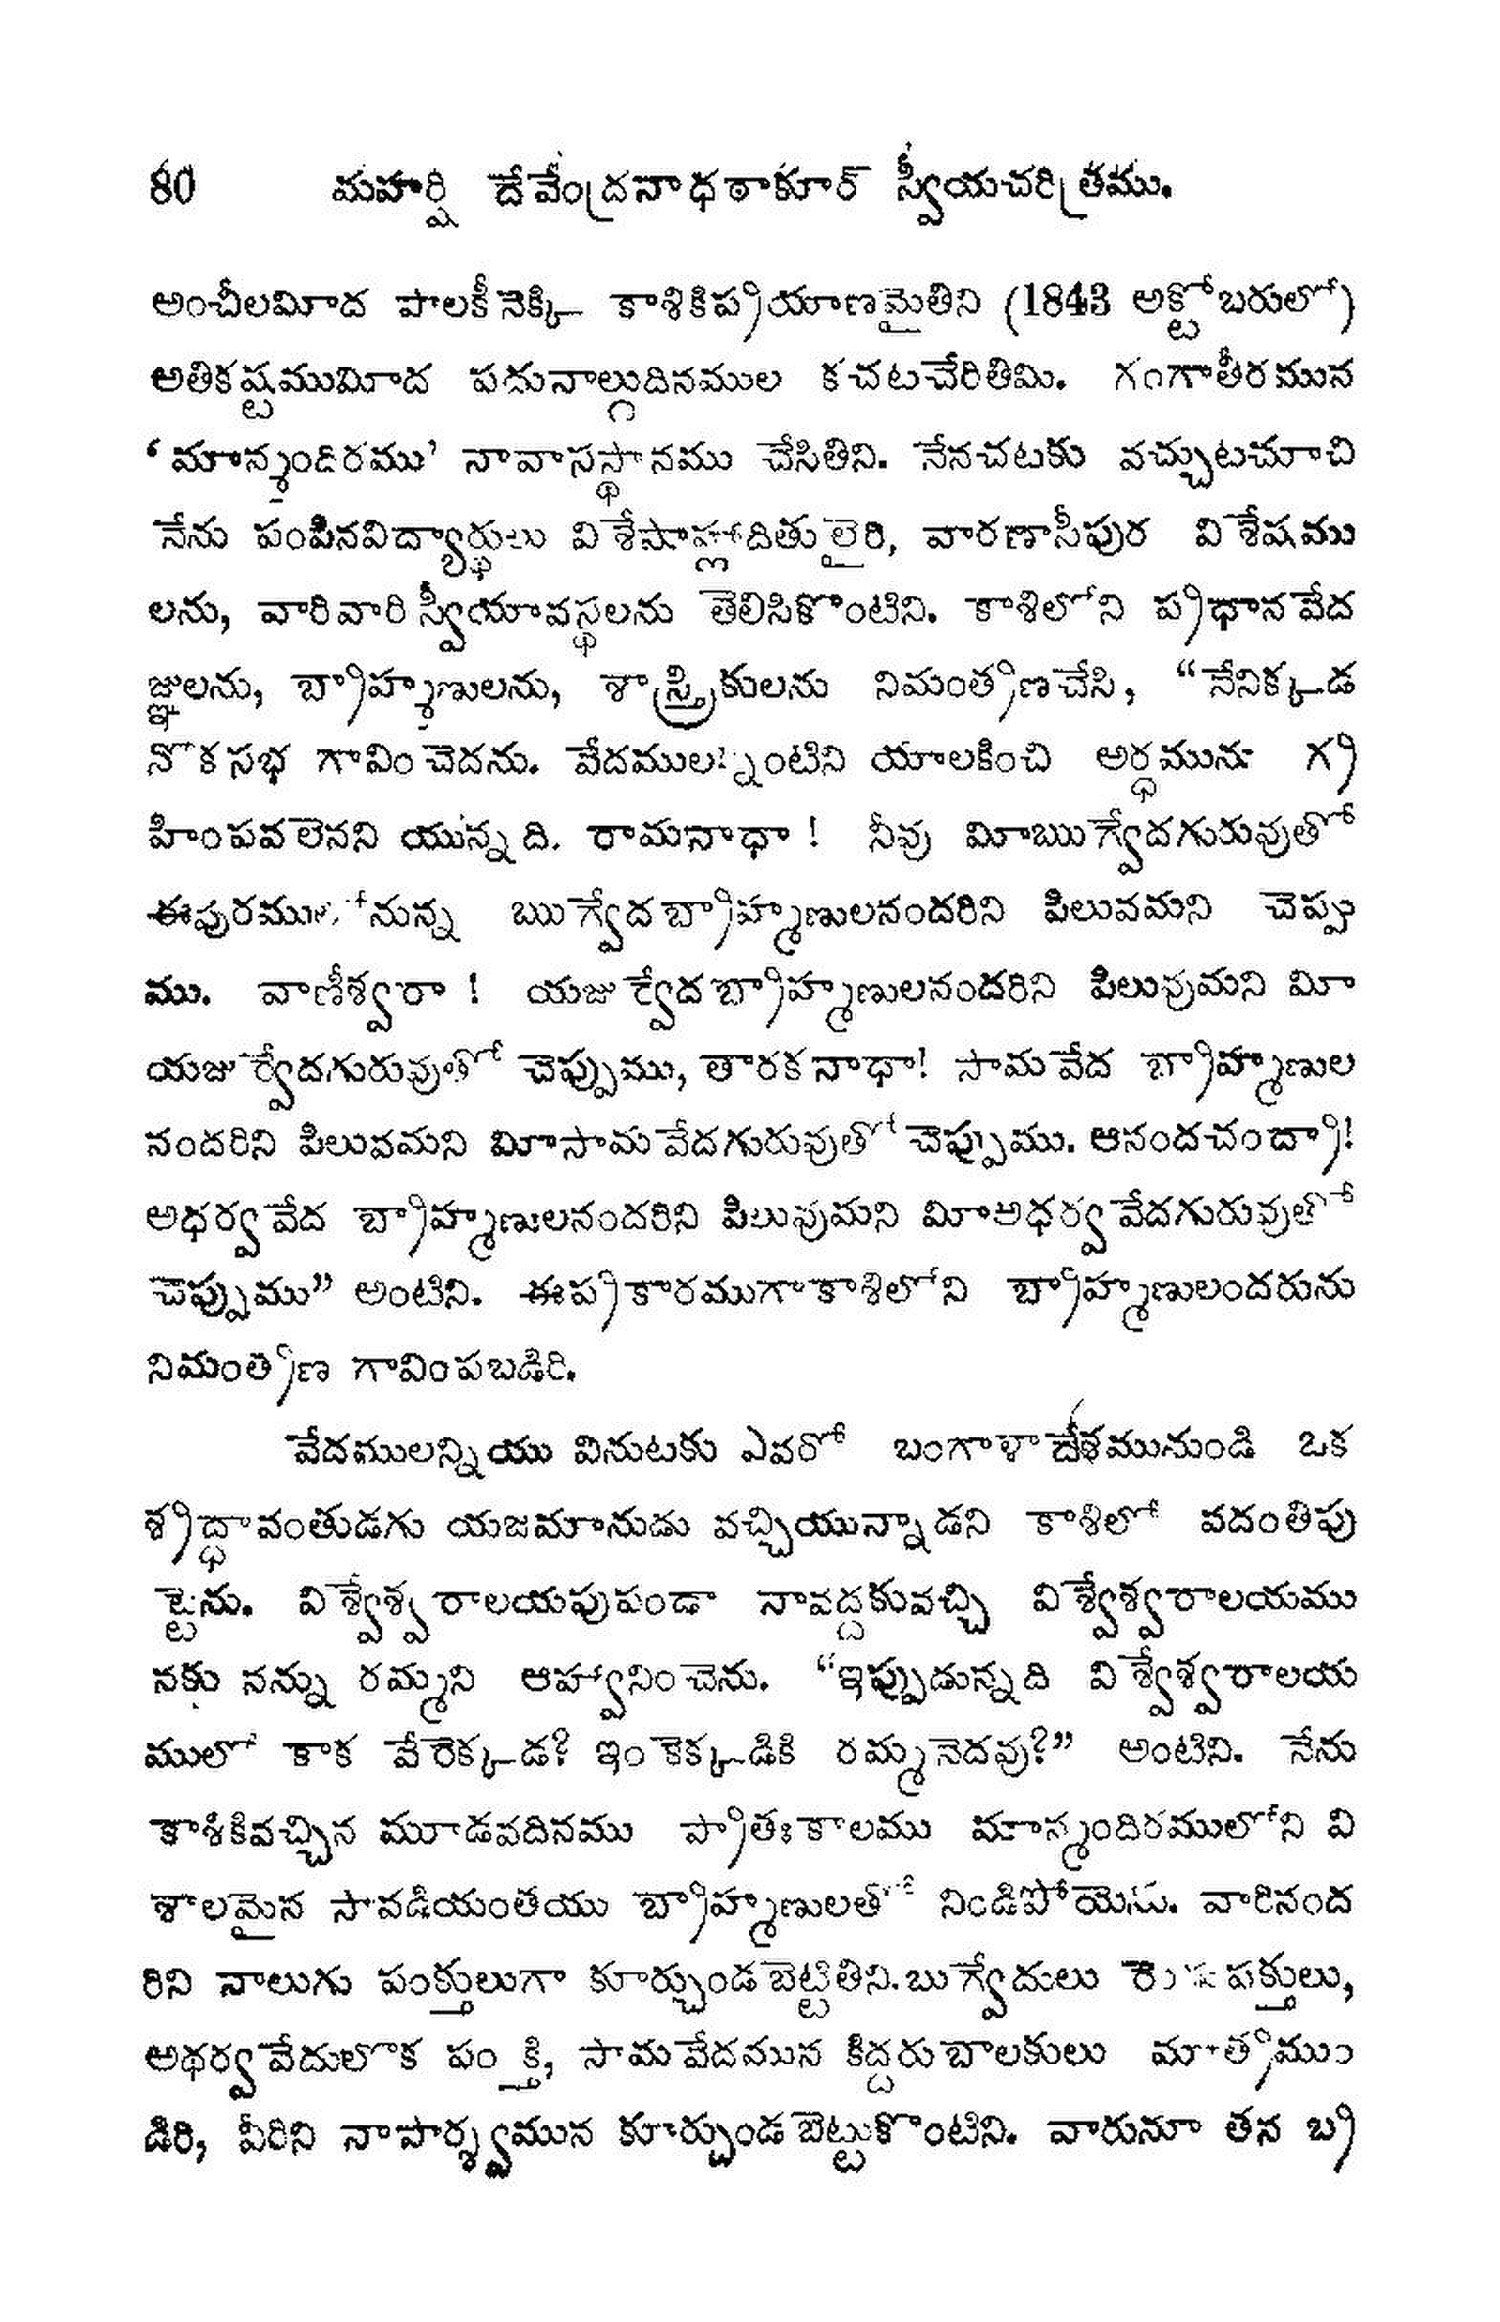అంచీలమీద పాలకీ నెక్కి కాళికి ప్రయాణమైతిని (1843 అక్టోబరులో)
అతికష్టముమీద పదునాల్గు దినముల కచట చేరితిమి. గంగా తీరమున
“మాన్మందిరము' నావాసస్థానము చేసితిని. "నేనచటకు వచ్చుట చూచి
నేను పంపిన విద్యార్థులు విశేషాహ్లాదితులైరి, వారణాసీపుర విశేషము
లను, వారి వారి స్వీయావస్థలను తెలిసికొంటిని. కాశిలోని ప్రధాన వేద
జ్ఞులను, బ్రాహ్మణులను, శాస్త్రికులను నిమంత్రణ చేసి , " నేనిక్కడ
నొక సభ గావించెదను. 'వేదములనన్నింటిని యాలకించి అర్ధమును 
గ్రహింపవ లెనని యున్నది. రామనాధా ! నీవు మీఋగ్వేద గురువుతో
ఈపురములో *నున్న ఋగ్వేద బ్రాహ్మణులనందరిని పిలువమని చెప్పుము.
వాణీశ్వరా ! యజుర్వేద బ్రాహ్మణులనందరిని పిలువు మని 
యాయజు ర్వేదగురువుతో చెప్పుము, తారక నాధా! సామవేద బ్రాహ్మణుల
నందరిని పిలువమని మీసామ వేదగురువుతో చెప్పుము. ఆనందచందా!
అధర్వణవేద 'బాహ్మణులనందరిని పిలుపుమని మీఅధర్వణవేదగురువుతో
చెప్పుము” అంటిని. ఈప్రకారముగా కాశిలోని బా బాహ్మణులందరును
నిమంత్రణ గావింప బడిరి.

వేదము లన్నియు వినుటకు ఎవరో బంగాళా దేశమునుండి ఒక
శ్రద్ధావంతుడగు యజమానుడు వచ్చియున్నాడని కాశిలో పదంతి
పుట్టెను. విశ్వేశ్వరాలయపు పండా నావద్దకువచ్చి విశ్వేశ్వరాలయము
నకు నన్ను రమ్మని ఆహ్వానించెను. “ఇప్పుడున్నది విశ్వేశ్వరాలయ
ములో కాక వేరెక్కడ? ఇంకెక్కడికి రమ్మనెదవు?” అంటిని. నేను
కాశీకి వచ్చిన మూడవదినము ప్రాతః కాలము మాస్మందిరము లోని 
విశాలమైన సావడియంతయు 'బాహ్మణులతో నిండిపోయెను. వారినంద
రిని నాలుగు పంక్తులుగా కూర్చుండ బెట్టితిని. బుగ్వేదులు రెండు 
పంక్తులు,అథర్వ వేదులొక పంక్తి, సామ వేదమున కిద్దరు బాలకులు 
మాత్రముండిరి, వీరిని నాపార్శ్వమున కూర్చుండ బెట్టుకొంటిని. 
వారునూ తన బ్ర